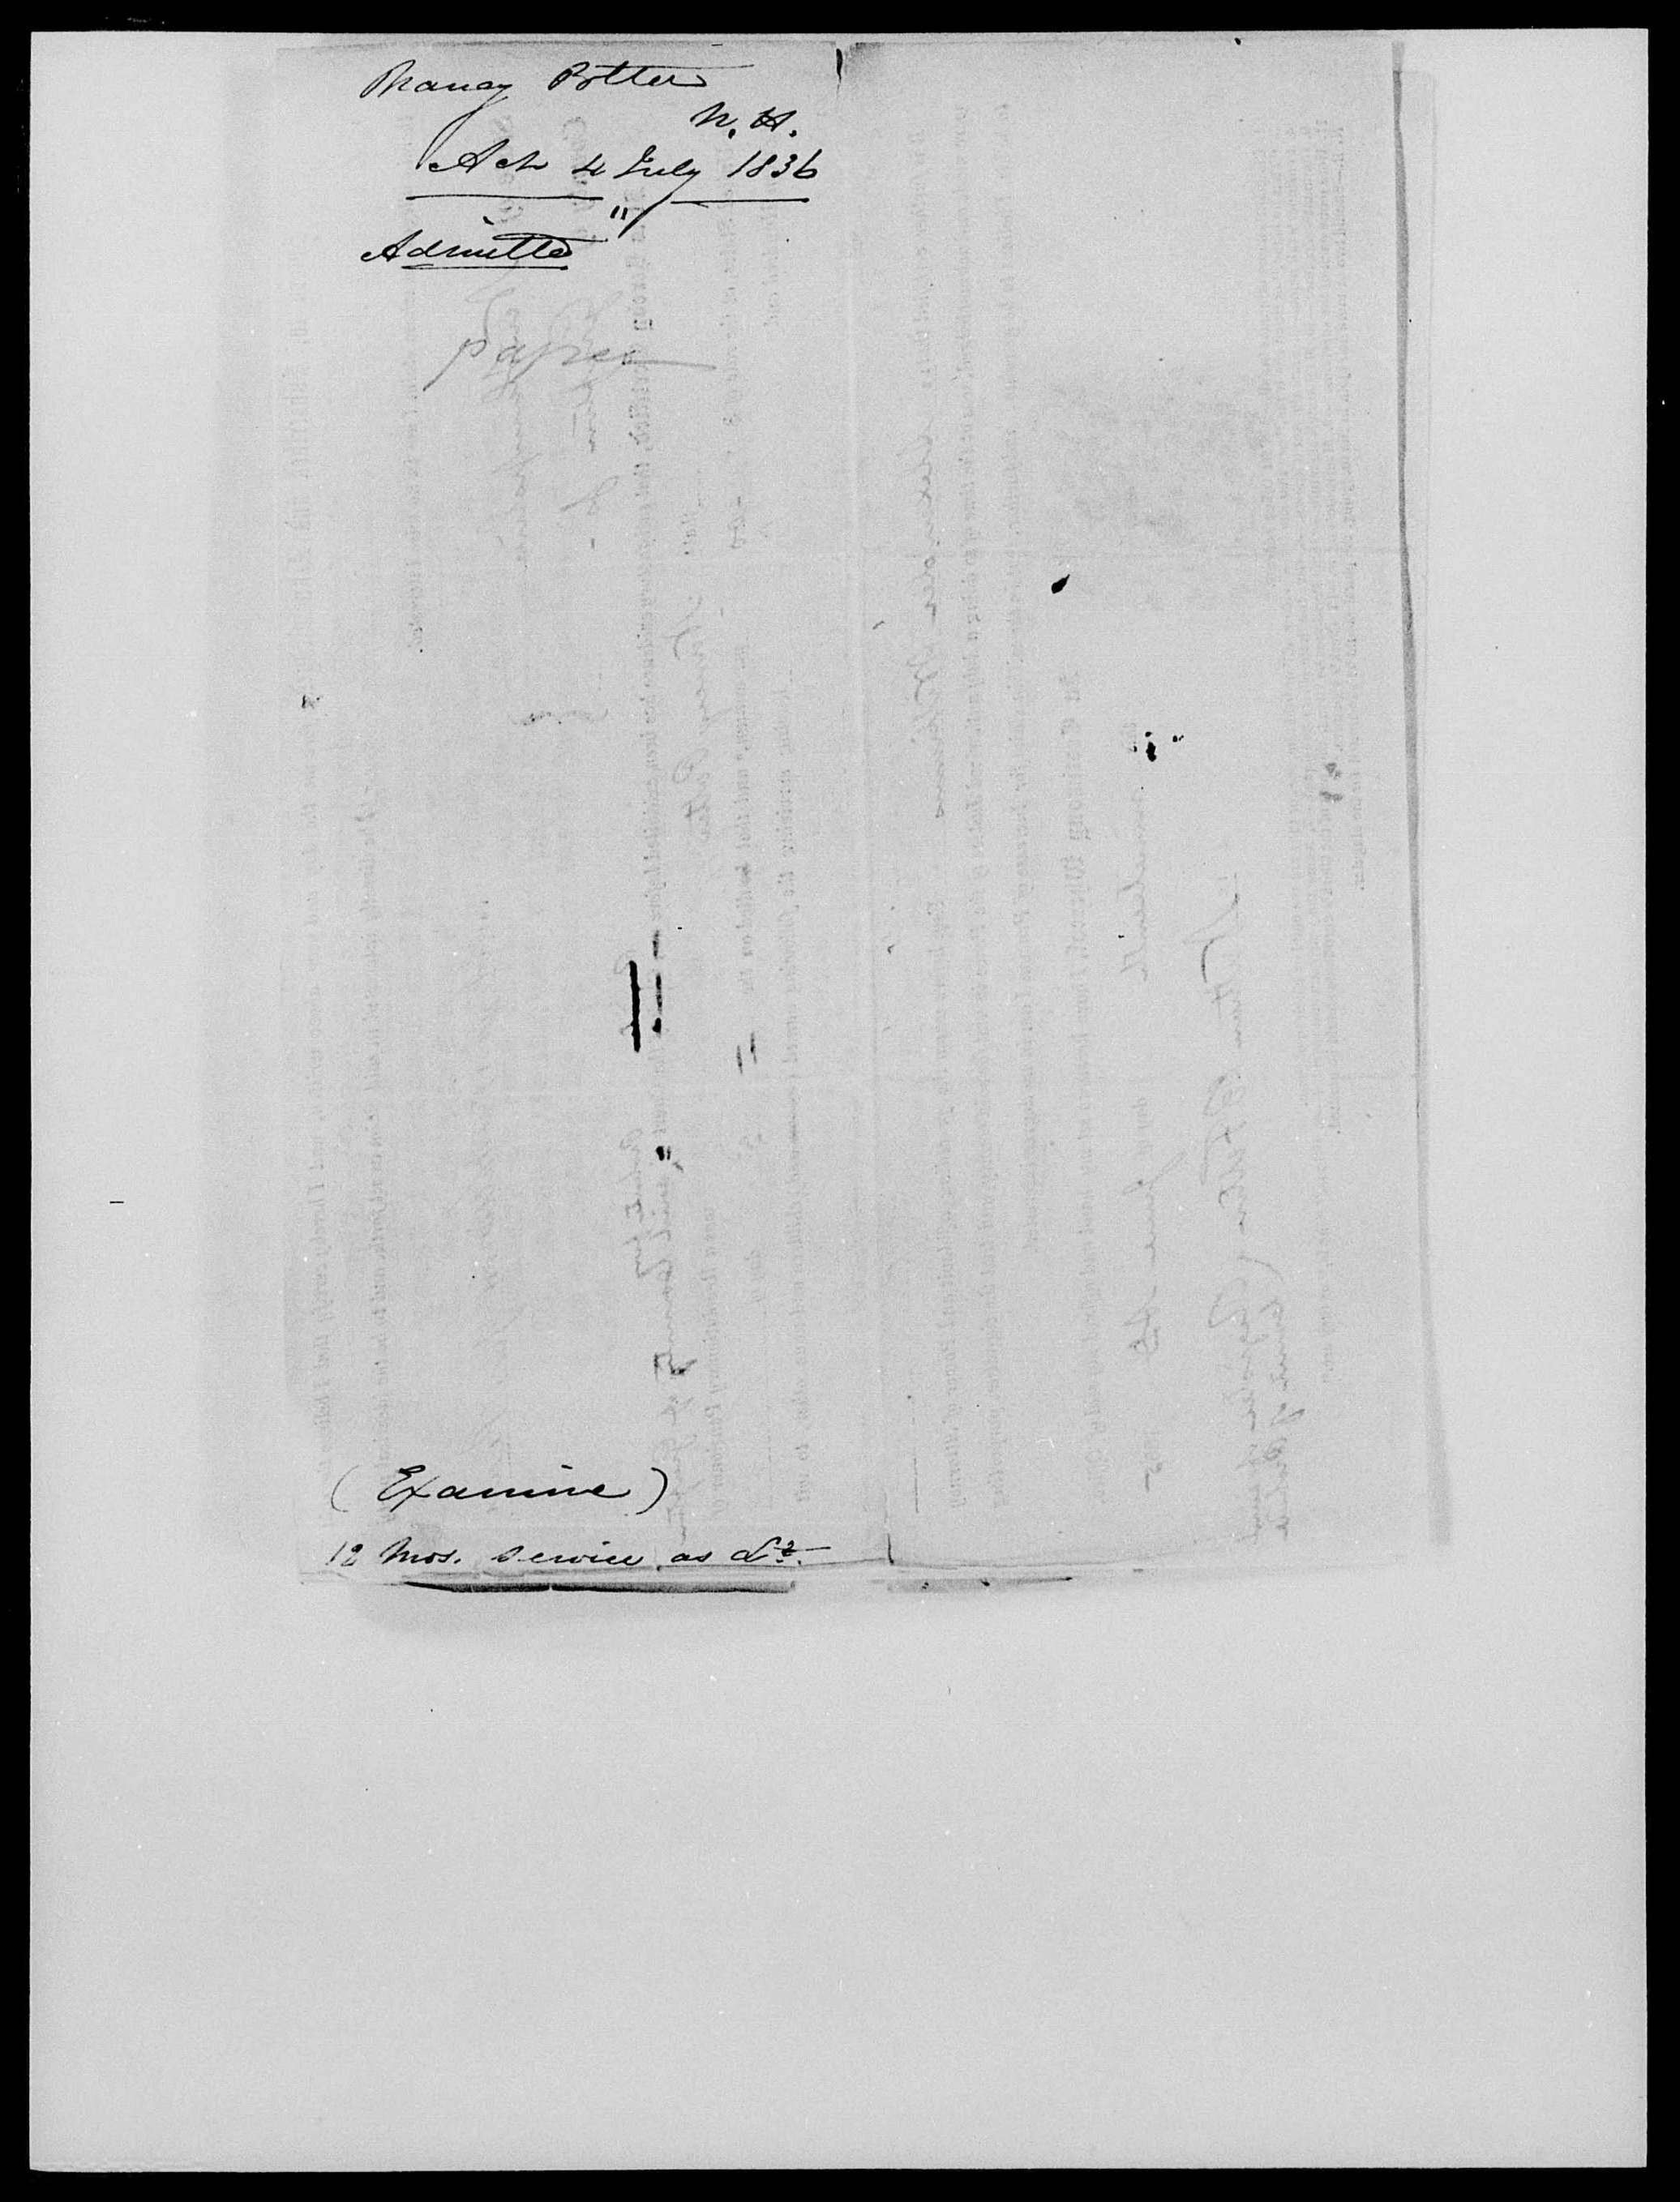Nancy Potter
N. H. 
Act 4 July 1836

Admitted


papers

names: Nancy Potter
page: 10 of 40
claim: widow's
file: W. 16058, for George Potter, Rhode Island